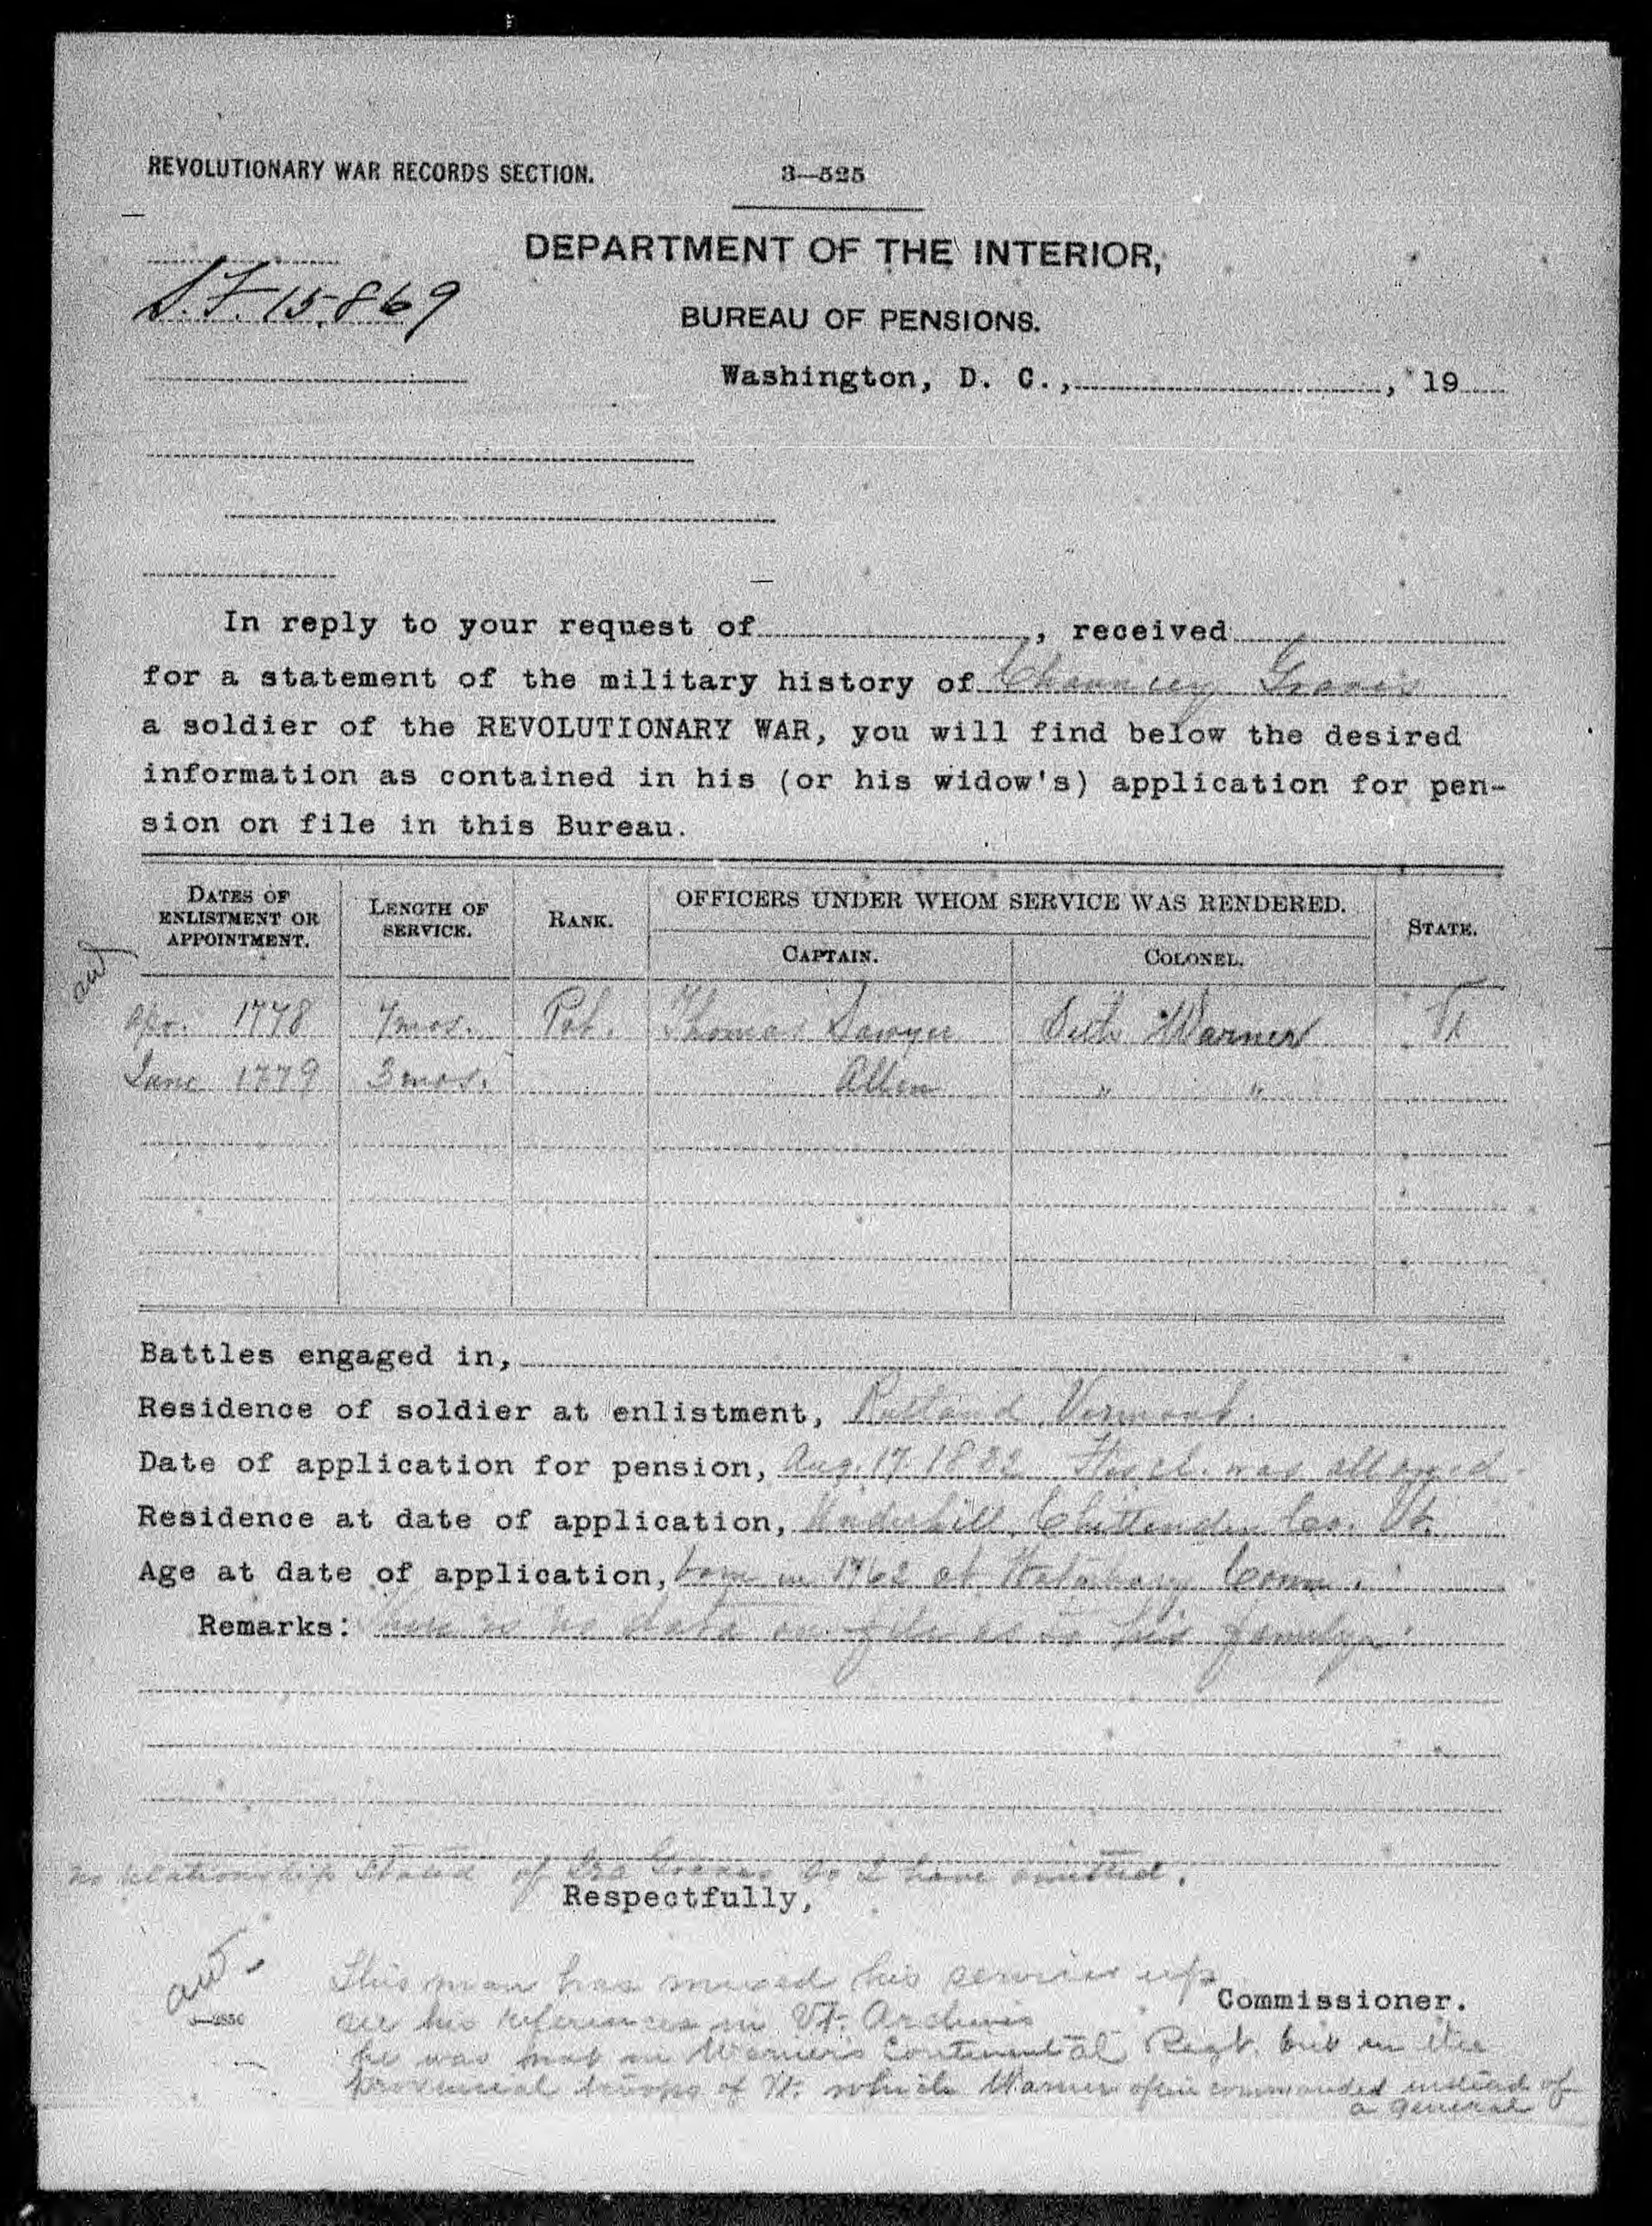REVOLUTIONARY WAR RECORDS SECTION.
3 -- 525
DEPARTMENT OF THE INTERIOR,
BUREAU OF PENSIONS.
Washington, D. C.__________19___
S.F.15869
In reply to your request of  ------, received
for a statement of the military history of Chauncey Graves a soldier of the REVOLUTIONARY WAR, you will find below the desired information as contained in his (or his widow's) application for pension on file in this Bureau.
DATES OF ENLISTMENT OR APPOINTMENT.
Apr 1778
June  1779

LENGTH OF SERVICE.
7 mos
3 mos
RANK.
Pvt
OFFICERS UNDER WHOM SERVICE WAS RENDERED.
CAPTAIN. Thomas Sawyer
Allen
COLONEL. Seth Warner
1850
STATE.
VT
Battles engaged in,_______
Residence of soldier at enlistment, Rutland, Vermont
Date of application for pension, Aug 17 1832 (illegible) was (illegible)
Residence at date of application, Underhill Chittenden Co. Vt
Age at date of application, born in 1762 at Walathary, Conn
Remarks: there is no data in the file as to his family 
No relation states of Ira Graves so I have  omitted
Respectfully,              
                 Commissioner
This man has mixed  service up see his references in VT archives 
 he was in Warner's continental Regt but in the provisioncial troops of VT which Warner often commanded instead of a general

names: Ira Graves, Thomas Sawyer, Seth Warner, Allen, Chauncey Graves, Warner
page: 11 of 24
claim: survivor's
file: S. 15869, Chauncey Graves, Vt.